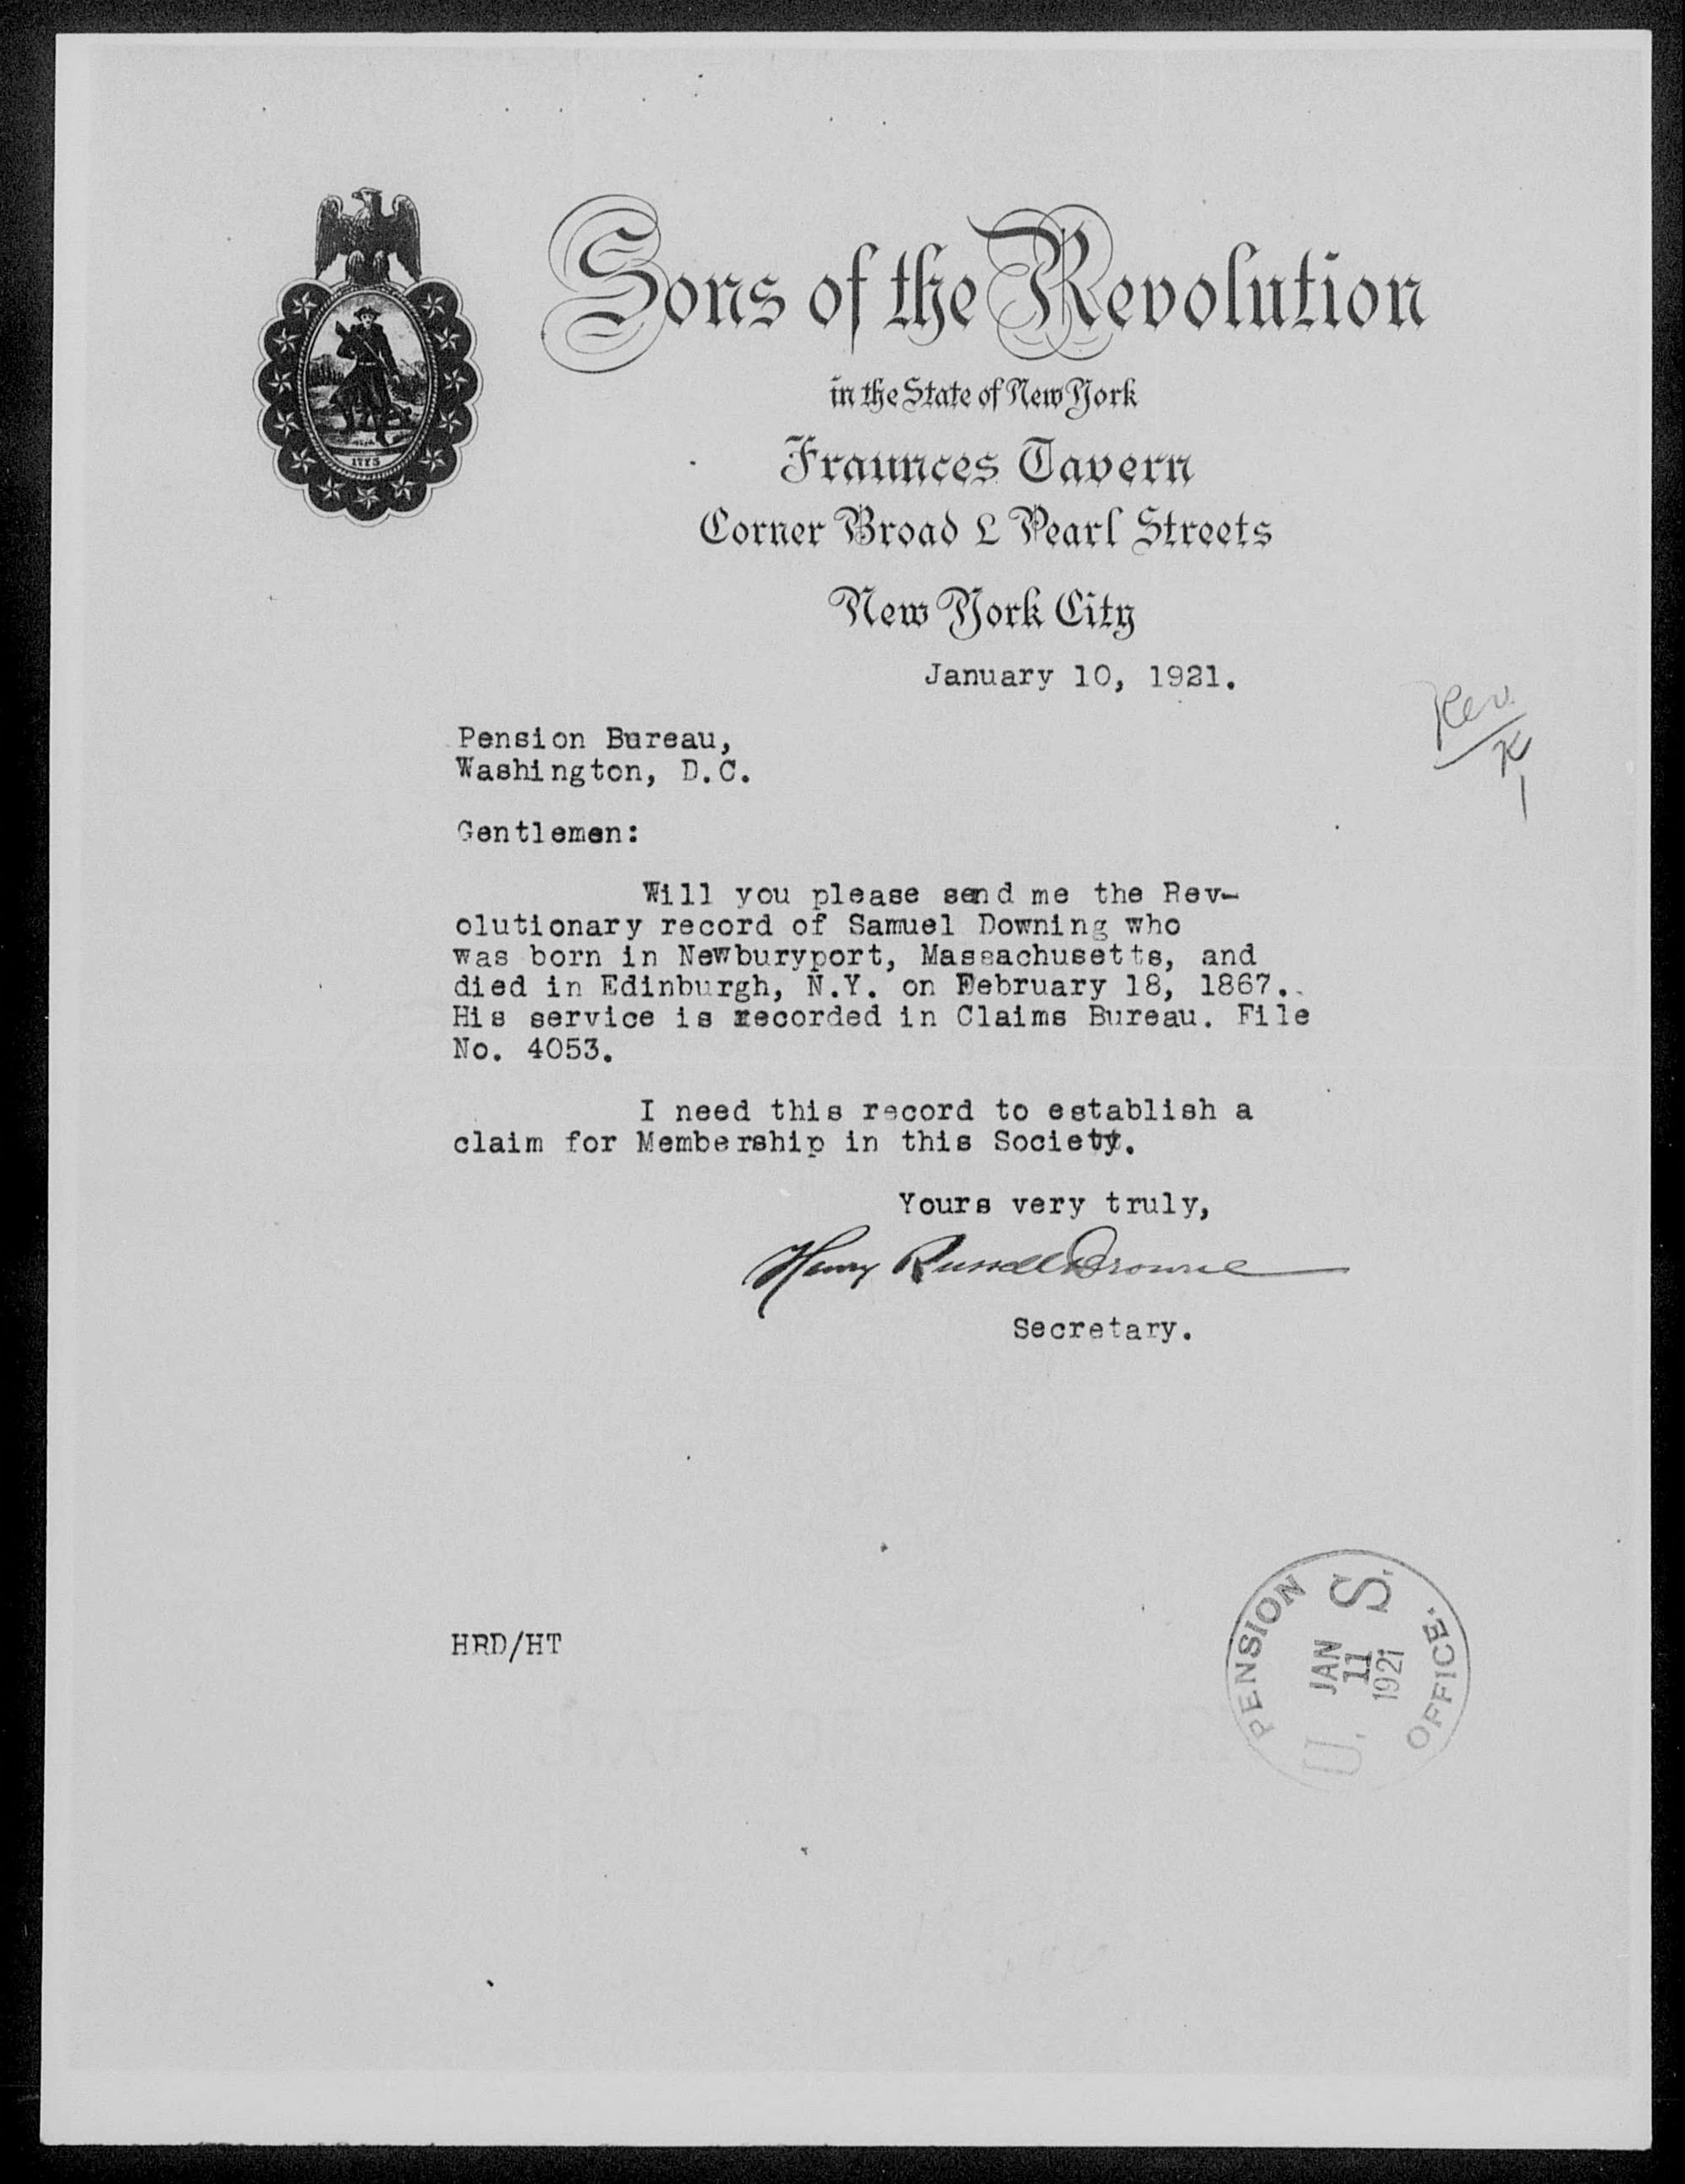Sons of the Revolution 
I the State of New York
Frances Tavern
Corner Broad & Pearl Streets
New York City
January 10, 1921
Rev./K
Pension Bureau
Washington, D.C.
Gentlemen:
Will you please send me the Revolutionary record of Samuel Downing who was born in Newburyport, Massachusetts, and died in Edinburgh, N.Y. on February 18, 186.
His service is recorded in Claims Bureau. File No. 4053.
I need this record to establish a claim for Membership in this Society.
Yours very truly,
Henry Russell Drowse
Secretary.
HRD/HT
PENSION U. JAN S. 11 1921 OFFICE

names: Henry Russell Drowne, Samuel Downing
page: 30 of 56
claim: survivor's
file: S. 40,055, Samuel Downing, N.H.